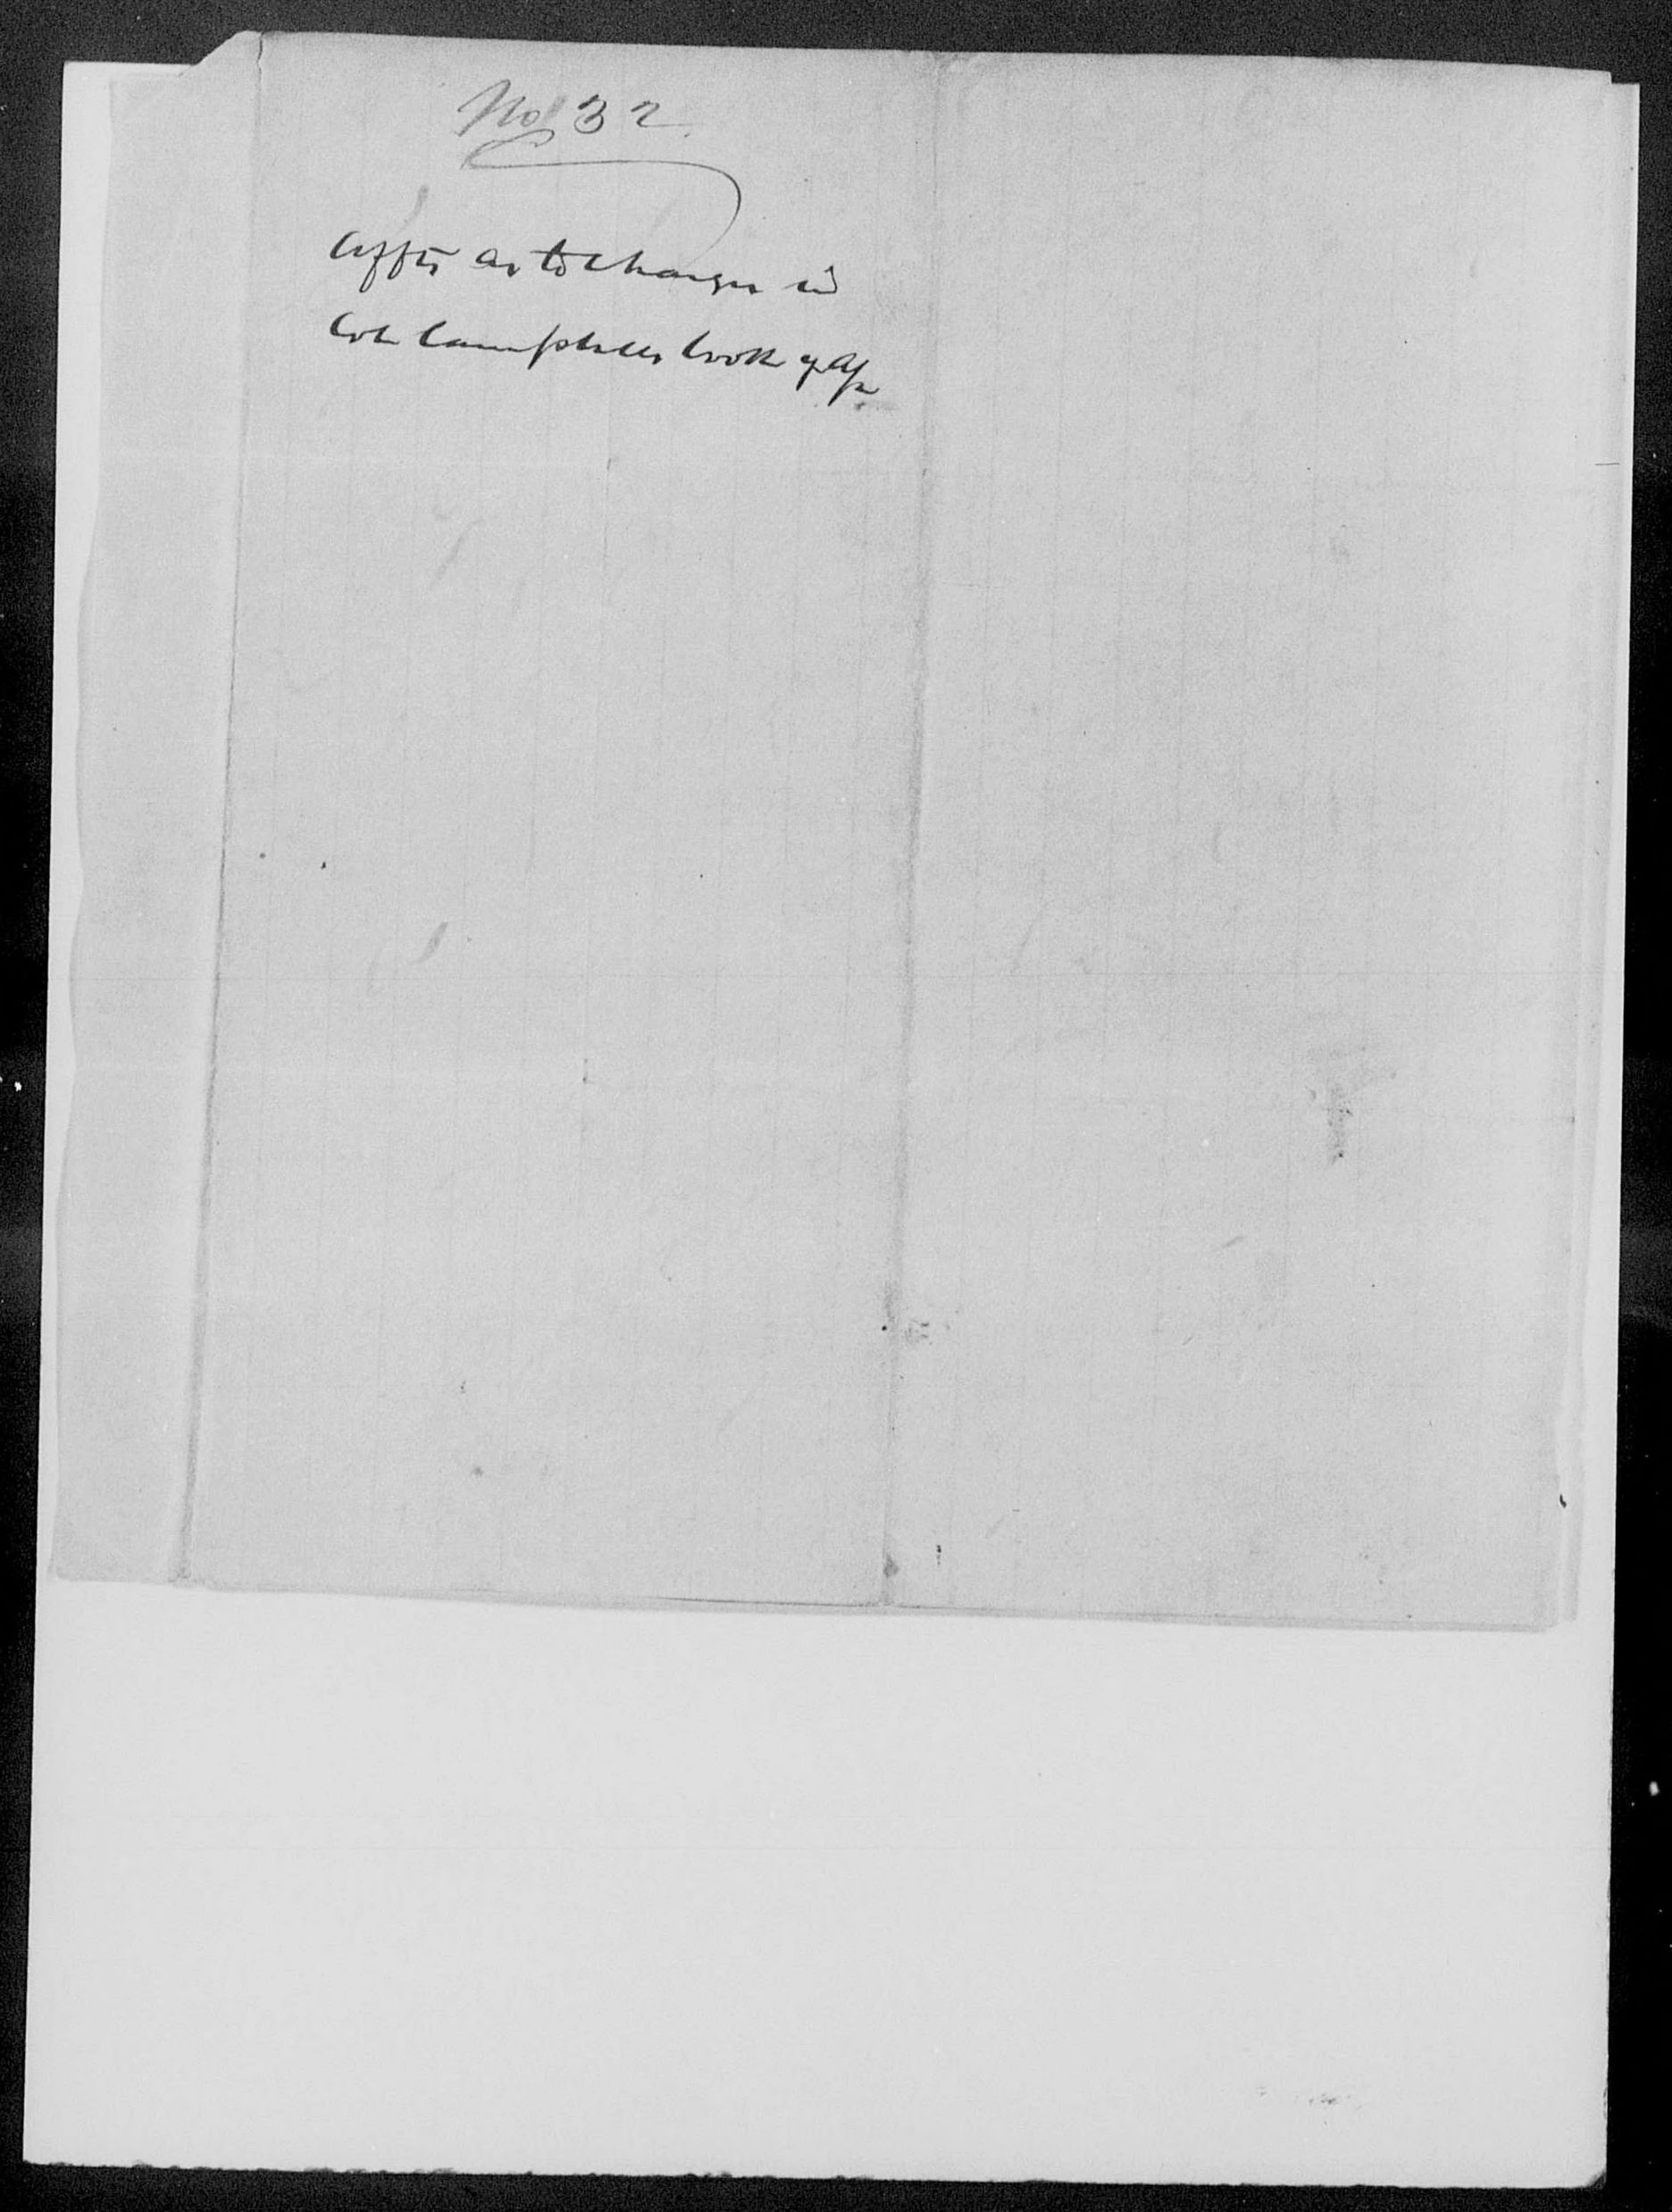No 32

Affts as to changes in Col Campbells book of Afs.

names: Campbell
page: 215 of 267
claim: widow's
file: W. 4,149, William Campbell, Va.